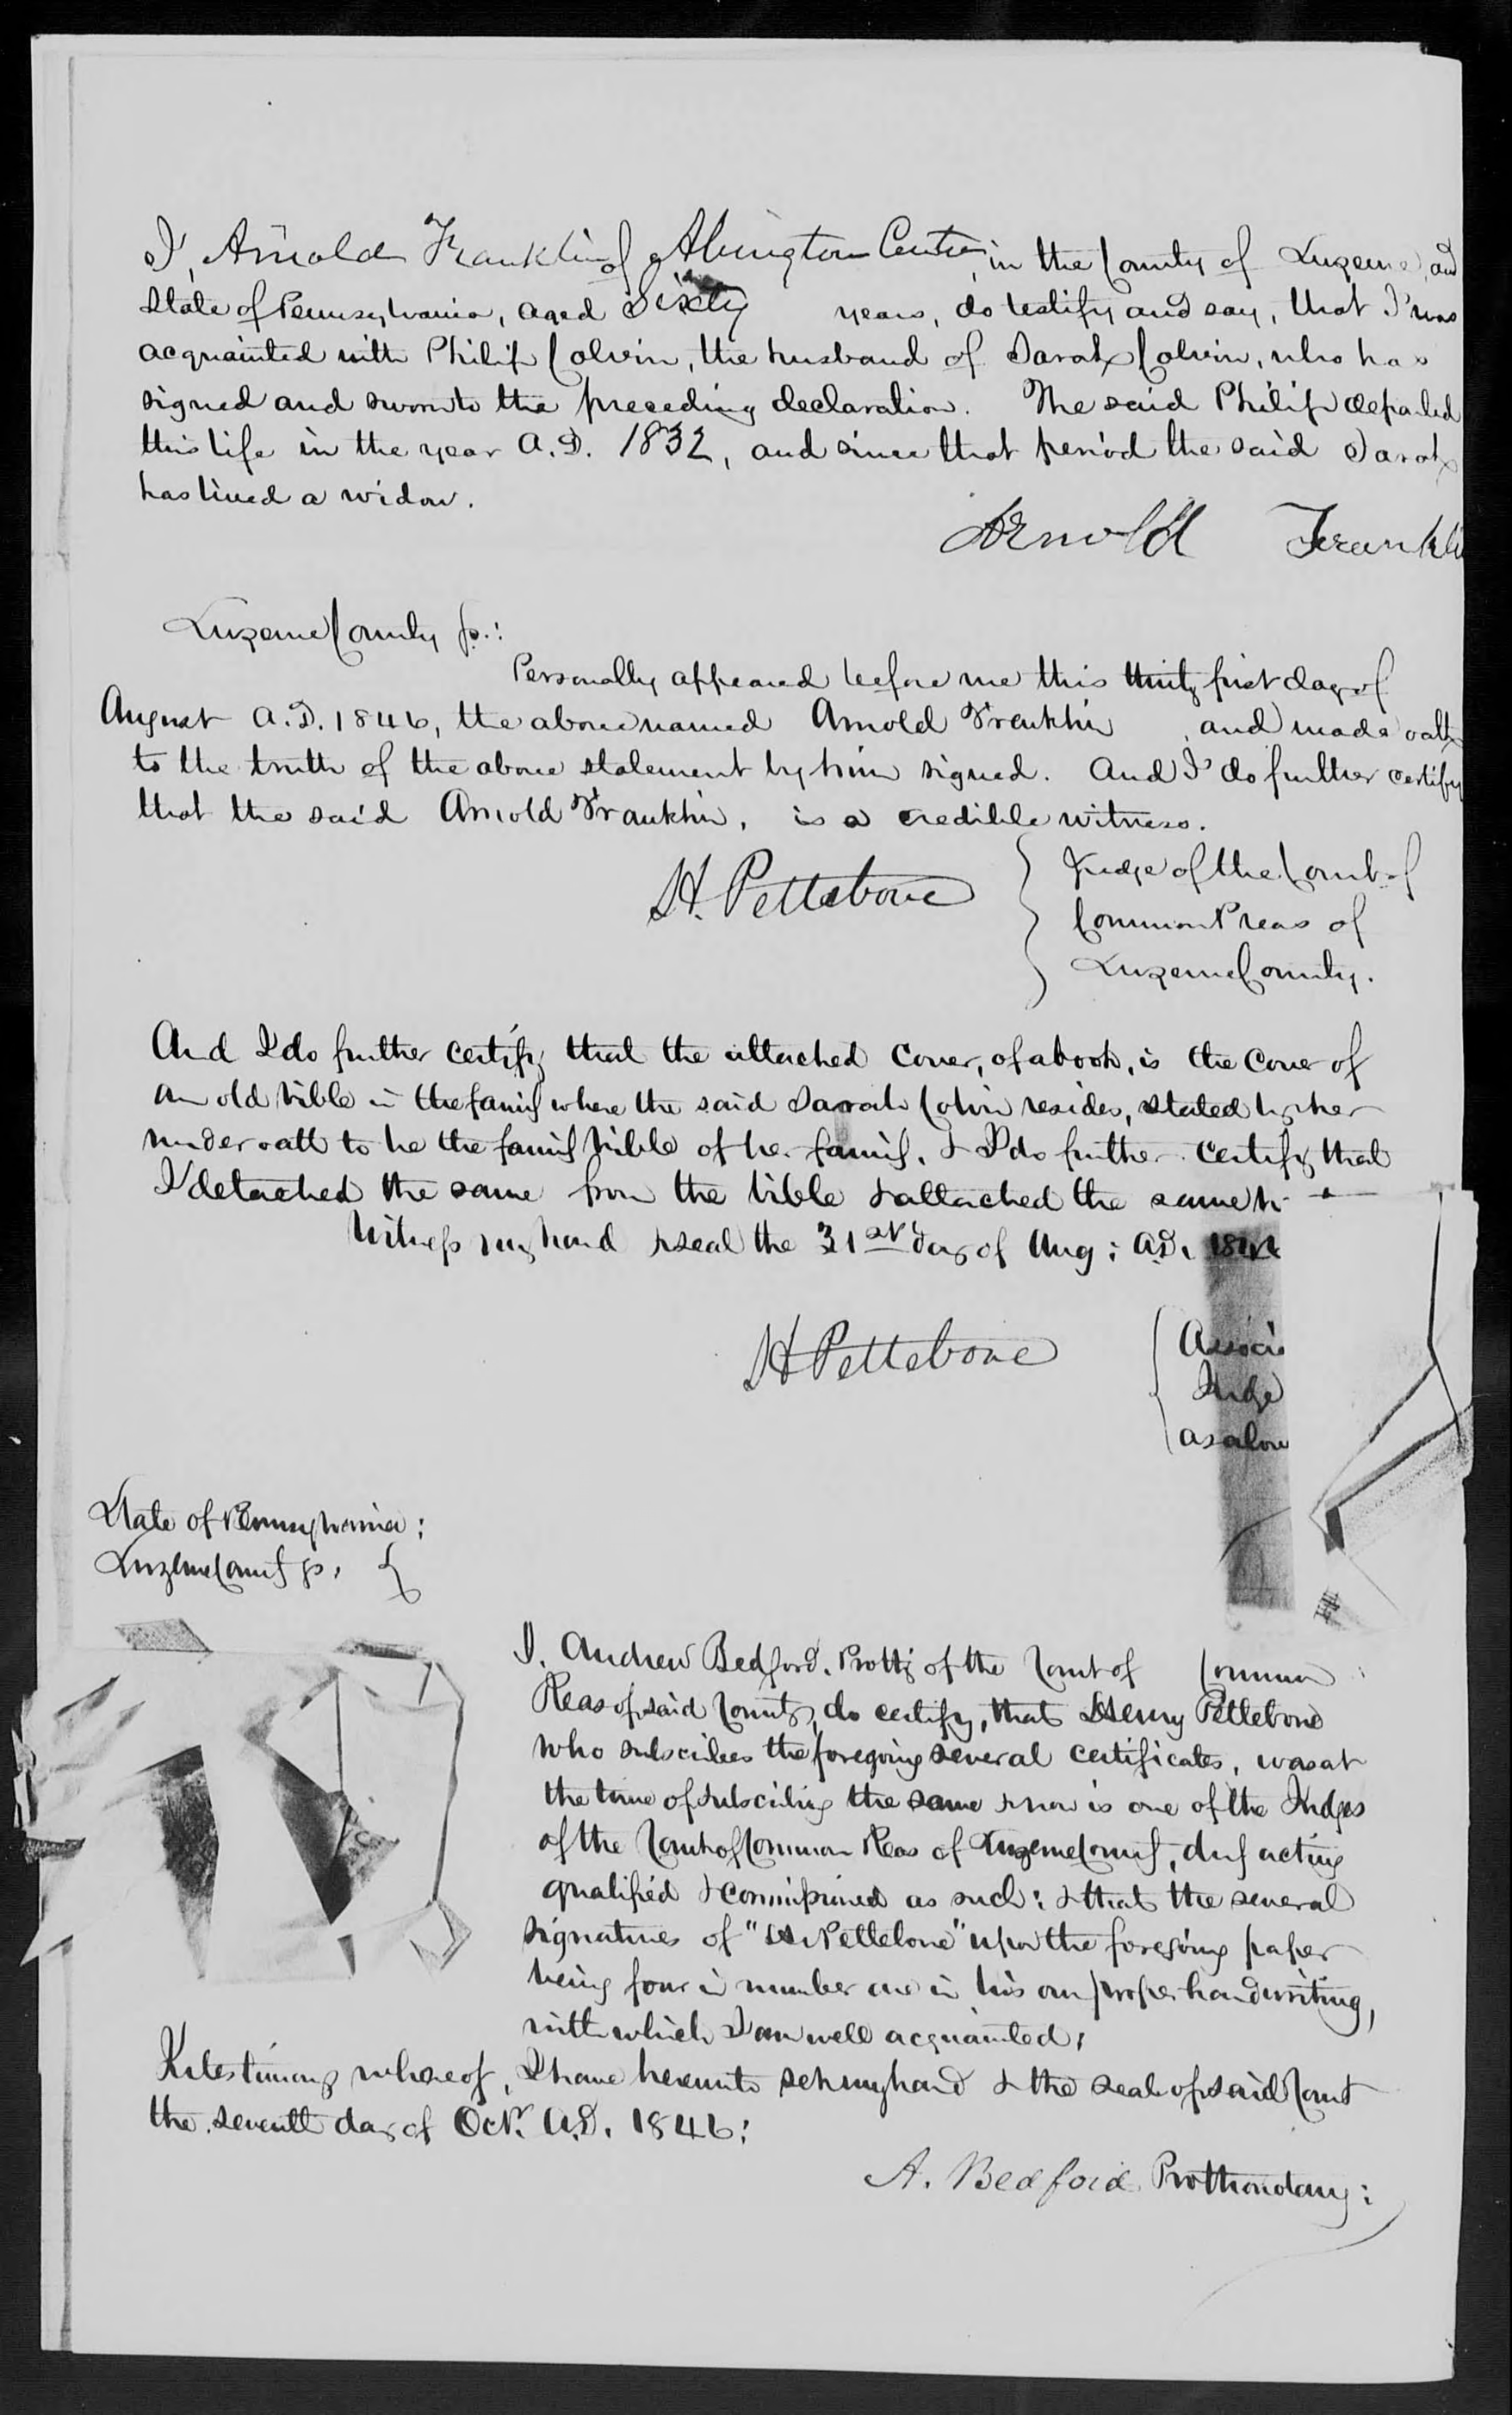I Arnold Franklin of Abington Centre in the county of Luzerne and state of Pennsylvania aged sixty years do testify and say that I was acquainted with Philip Colvin the husband of Sarah Colvin who has signed and sworn to the preceding declaration. The said Philip departed this life in the year AD 1832 and since that period the said Sarah has lived a widow. 
Arnold Franklin

Luzerne County
Personally appeared before me this thirty first day of August AD 1846 the above named Arnold Franklin and made oath to the truth of the above statement by him signed. And I do further certify that the said Arnold Franklin is a credible witness. 
H. Pettebone
Judge of the court of common pleas of Luzerne County

And I do further certify that the attached cover of  a book is the cover of an old bible - the family where the said Sarah Colvin resides stated by her under oath to be the family bible of the family & I do further certify that I detached the same from the bible & attached the same ... witness my hand & seal the 31st day of Aug; AD 1846
H. Pettebone
Associate judge as above

State of Pennsylvania
Luzerne county

I Andrew Bedord prott of the court of common pleas of said court do certify that Henry Pettebone who subscribed the foregoing several certificates was at the time of subscribing the same man is one of the judges of the court of common pleas of Luzerne county duly acting qualified & commissioned as and that the several signature of "H. Pettebone" upon the foregoing paper being four in number and in his own handwriting with which I am well acquainted; 
... whereof I have hereunto set my hand & the seal of said court the seventh day of Oct. AD 1846;
A. Bedford Prothenolay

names: Arnold Franklin, Sarah Colvin, A Bedford, Arnold Franklin, Andrew Bedford, Sarah Colvin, H Pettebone, Philip, Sarah, Arnold Franklin, H Pettebone, Arnold Franklin, Philip Colvin, H Pettebone, Henry Pettebone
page: 41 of 41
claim: widow's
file: W. 3513, Philip Colvin, R.I.